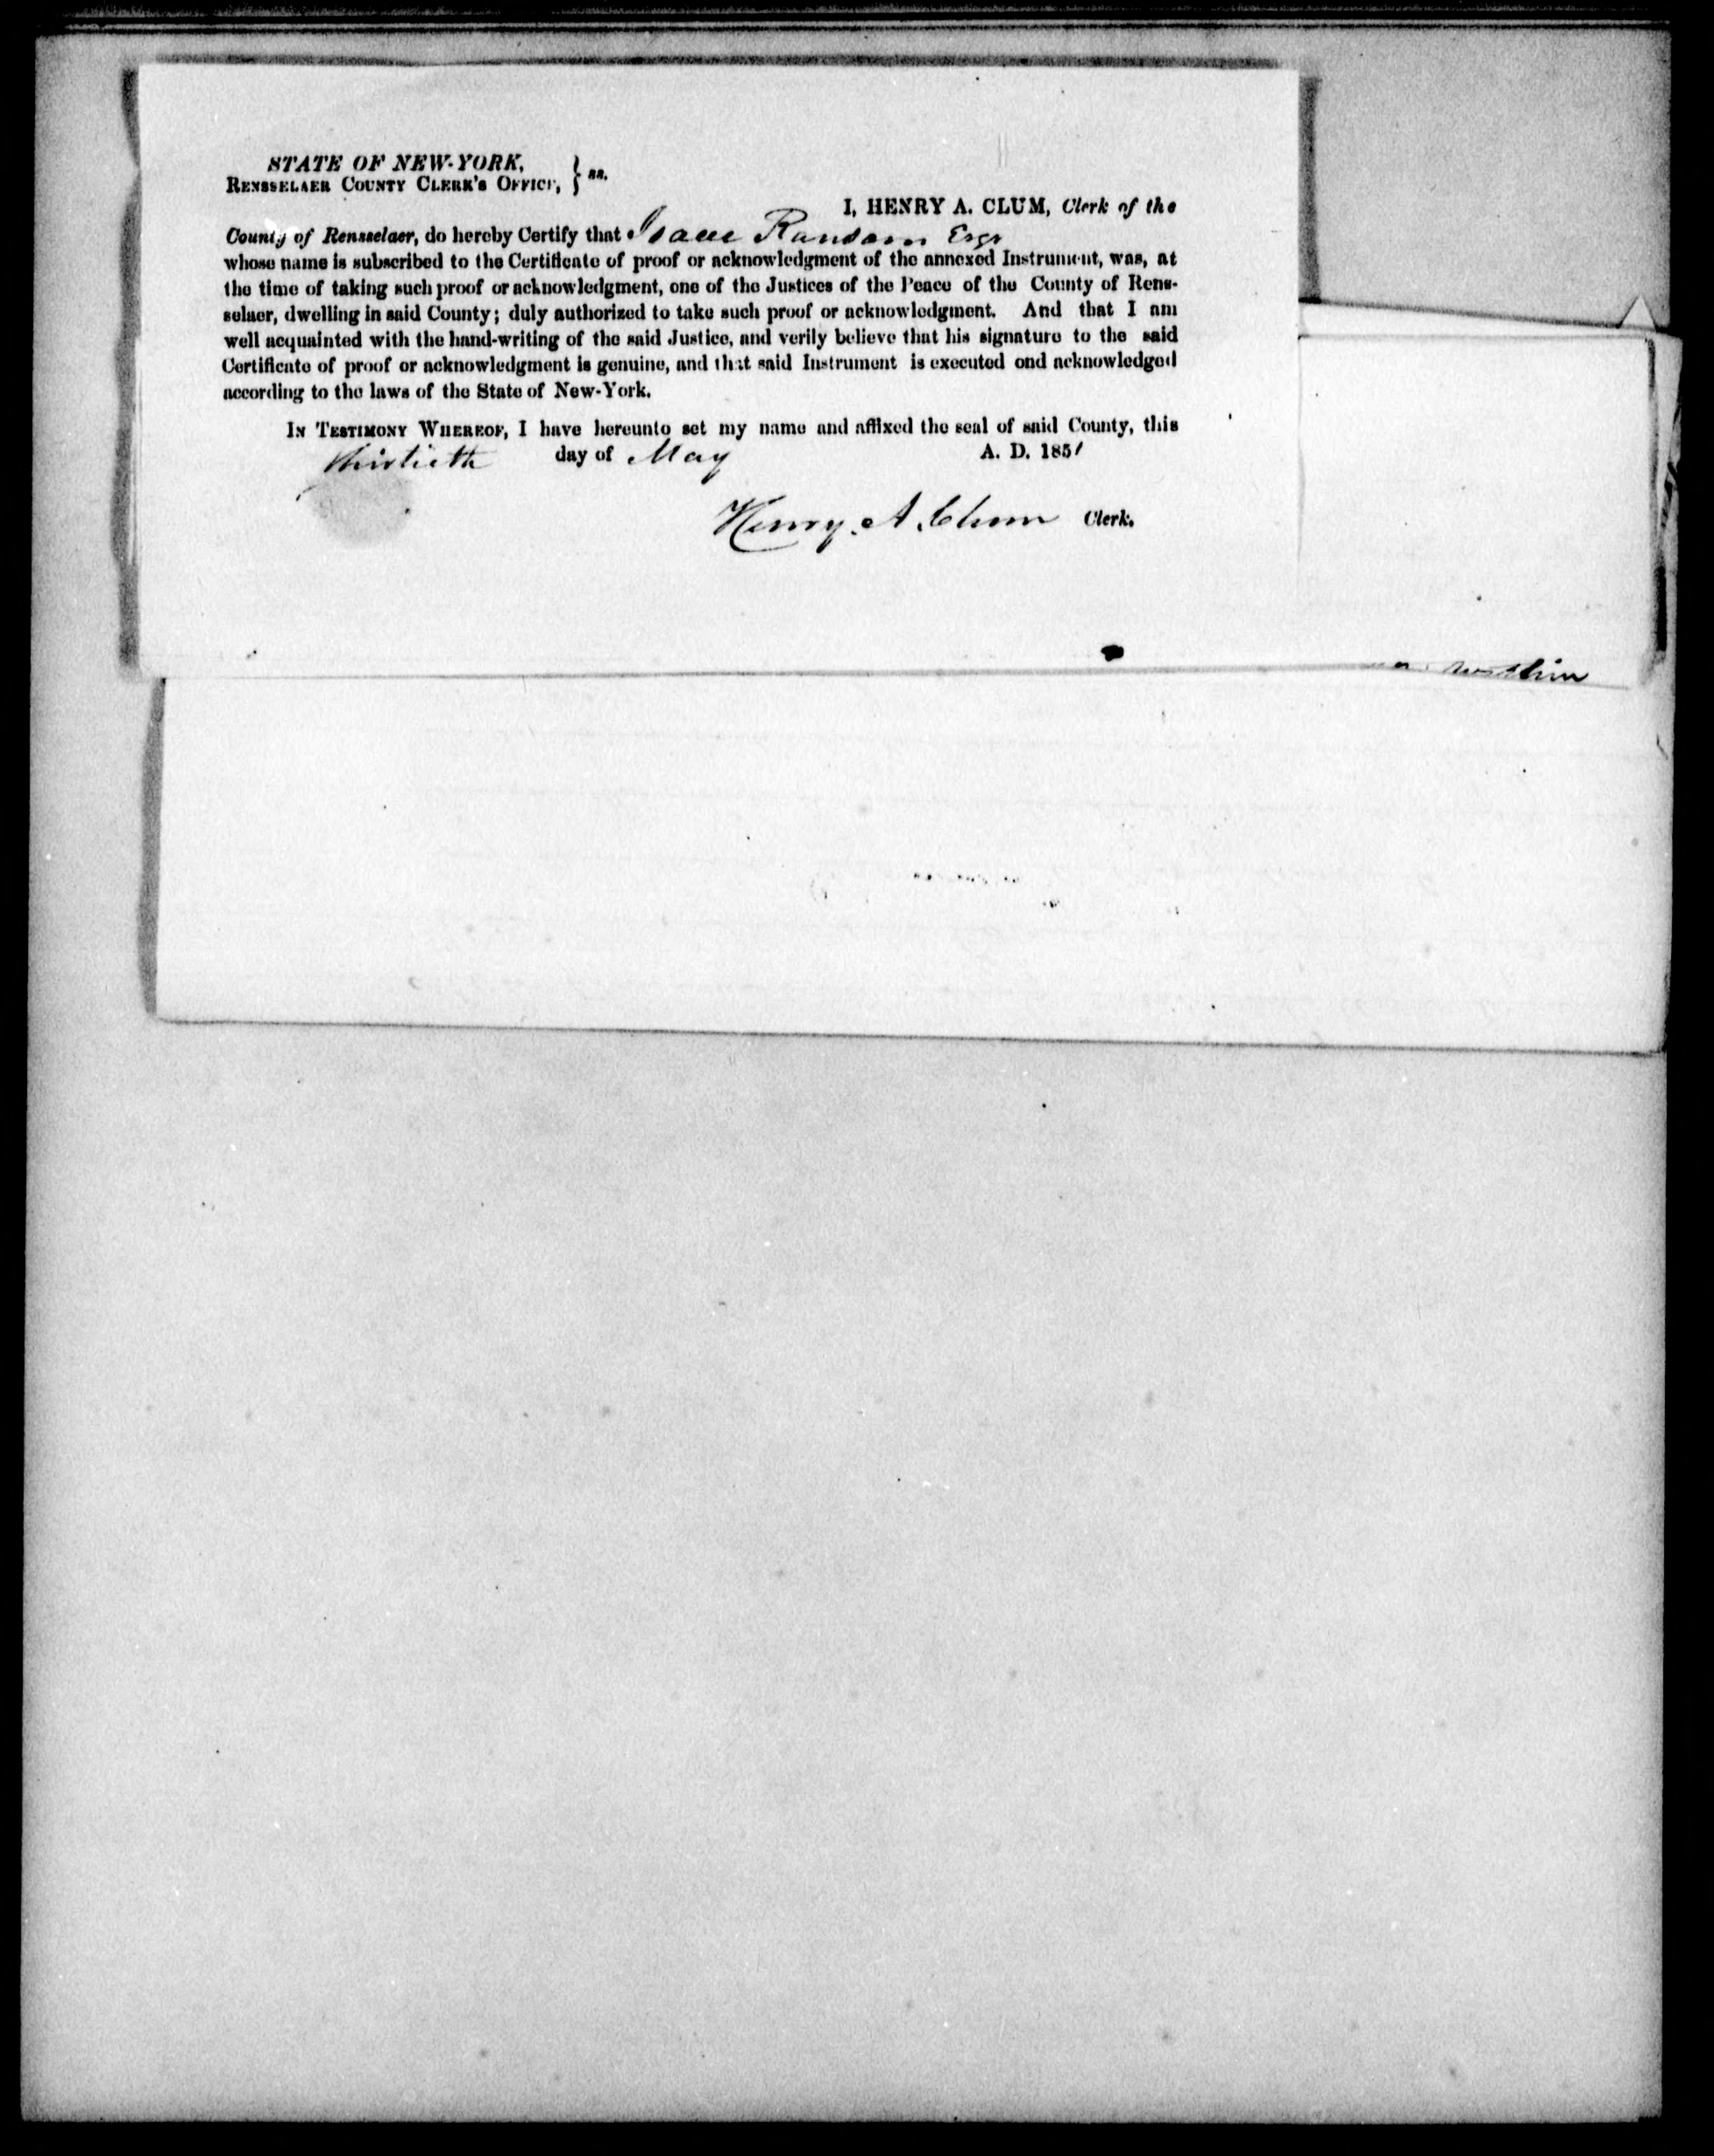STATE OF NEW YORK.
RENSSELAER COUNTY CLERK'S OFFICE, SS.

I, HENRY A CLUM, Clerk of the County of Rensselaer, do hereby certify that Isaac Ransom Esqr whose name is subscribed to the Certificate of proof or acknowledgment of the annexed instrument, was, at the time of taking such proof or acknowledgment, one of the Justices of the Peace of the County of Rensselaer, dwelling in said County, duly authorized to take such proof or acknowledgment. And that I am well acquainted with the hand-writing of the said Justice, and verily believe that his signature to the said Certificate of proof or acknowledgment is genuine, and that said Instrument is executed and acknowledged
according to the laws of the State of New York.

IN TESTIMONY WHEREOF, I have hereunto set my name and affixed the seal of said County, this thirtieth day of May A. D. 1851
Henry A. Clum [signature] Clerk

[round seal on the left side of page]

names: Henry A Clum, Isaac Ransom, Henry A Clum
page: 70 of 70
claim: rejected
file: R. 10,832, Martin Van Buskirk, New York.